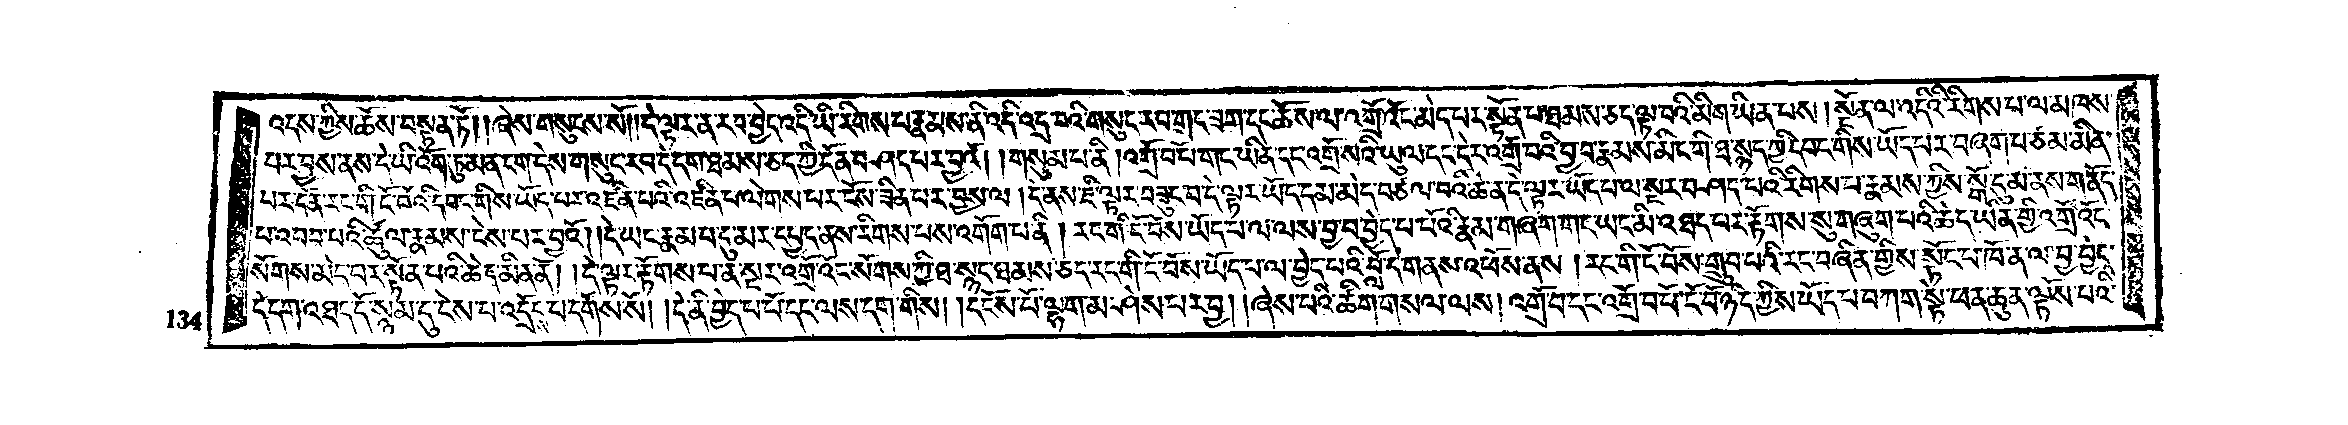འདས་ཀྱིས་ཆོས་བསྟན་ཏོ། །ཞེས་གསུངས་སོ། །དེ་ལྟར་ན་རབ་བྱེད་འདི་ཡི་རིགས་པ་རྣམས་ནི་འདི་འདྲ་བའི་གསུང་རབ་གང་ཟག་དང་ཆོས་ལ་འགྲོ་འོང་མེད་པར་སྟོན་པ་ཐམས་ཅད་ལྟ་བའི་མིག་ཡིན་པས། སྟོན་ལ་འདིའི་རིགས་པ་ལ་མཁས་
པར་བྱས་ནས་དེ་ཡི་འོག་ཏུ་མན་ངག་དེས་གསུང་རབ་དེ་དག་ཐམས་ཅད་ཀྱི་དོན་བཤད་པར་བྱའོ། །གསུམ་པ་ནི། འགྲོ་བ་པོ་གང་ཡིན་དང་འགྲོ་སའི་ཡུལ་དང་དེར་འགྲོ་བ༑འི་བྱ་བ་རྣམས་མིང་གི་ཐ་སྙད་ཀྱི་དབང་གིས་ཡོད་པར་བཞག་པ་ཙམ་མིན་
པར་དོན་རང་གི་ངོ་བོའི་དབང་གིས་ཡོད་པར་འཛིན་པའི་འཛིན་པ་ལེགས་པར་ངོས་ཟིན་པར་བྱས་ལ། དེ་ནས་ཇི་ལྟར་བཟུང་བ་དེ་ལྟར་ཡོད་དམ་མེད་བཙལ་བའི་ཆེ་ན་དེ་ལྟར་ཡོད་པ་ལ་སྔར་བཤད་པའི་རིགས་པ་རྣམས་ཀྱིས་སྒོ་དུ་མ་ནས་གནོད་
པ་འབབ་པའི་ཚུལ་རྣམས་ངེས་པར་བྱའོ། །དེ་ཡང་རྣམ་པ་དུ་མར་དཔྱད་ནས་རིགས་པས་འགོག་པ་ནི། རང་གི་ངོ་བོས་ཡོད་པ་ལ་ལས་བྱ་བ་བྱེད་པ་པོའི་རྣམ་གཞག་གང་ཡང་མི་འཐད་པར་རྟོགས་སུ་གཞུག་པའི་ཆེད་ཡིན་གྱི་འགྲོ་འོང་
སོགས་མེད་པར་སྟོན་པའི་ཆེད་མིན་ནོ། །དེ་ལྟར་རྟོགས་པ་ན་སྔར་འགྲོ་འོང་སོགས་ཀྱི་ཐ་སྙད་ཐམས་ཅད་རང་གི་ངོ་བོས་ཡོད་པ་ལ་བྱེད་པའི་བློ་དེ་གནས་འཕོས་ནས། རང་གི་ངོ་བོས་གྲུབ་པའི་རང་བཞིན་གྱིས་སྟོང་པ་ཁོ་ན་ལ་བྱ་བྱེད་
དེ་དག་འཐད་དོ་སྙམ་དུ་ངས་པ་འདྲོངས་པ་དགོས་སོ། །དེ་ནི་བྱེད་པ་པོ་དང་ལས་དག་གིས། །དངོས་པོ་ལྷག་མ་ཤེས་པར་བྱ། །ཞེས་པའི་ཚིག་གསལ་ལས། འགོ་བ་དང་འགྲོ་བ་པོ་ངོ་བོ་ཉིད་ཀྱིས་ཡོད་པ་བཀག་སྟེ་ཕན་ཚུན་ལྟོས་པའི་